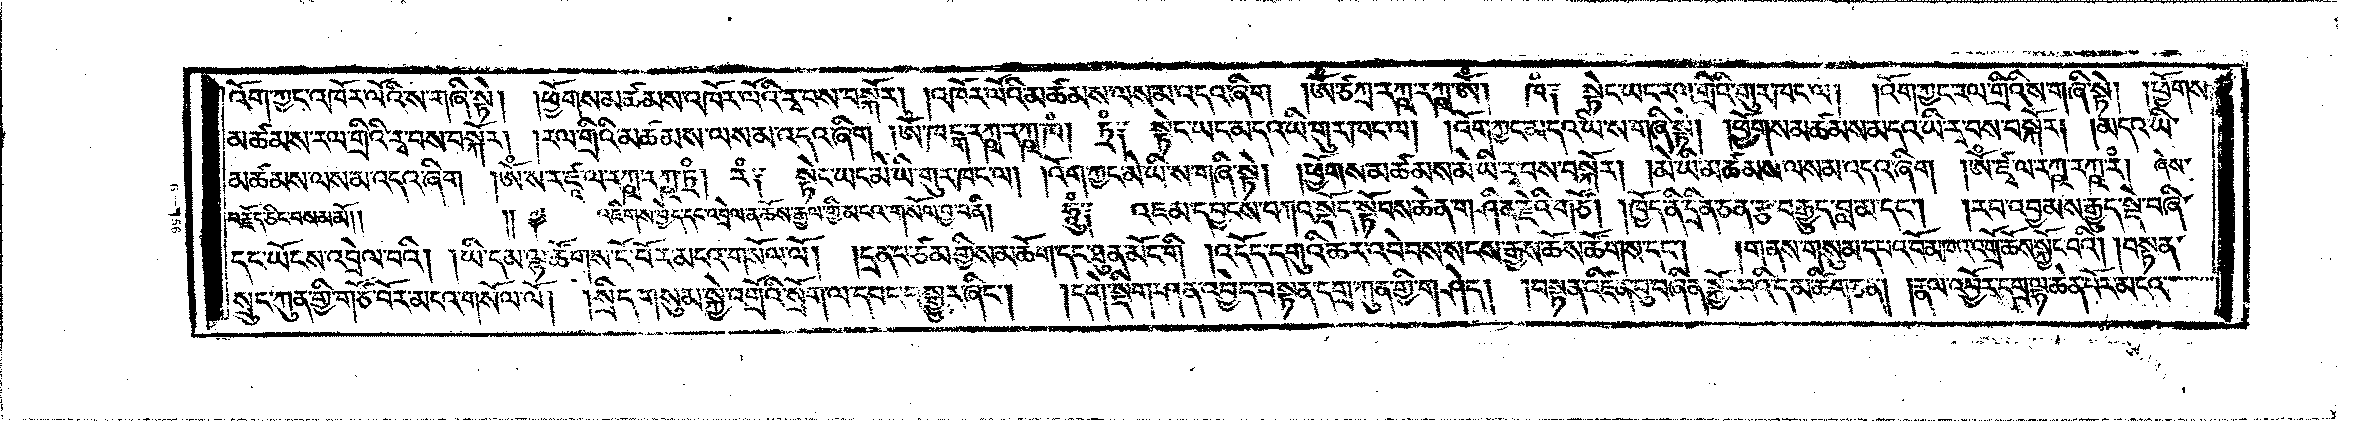འོག་ཀྱང་འཁོར་ལོའི་ས་གཞི་སྟེ། །ཕྱོགས་མཚམས་འཁོར་ལོའི་རྭ་བས་བསྐོར། །འཁོར་ལོའི་མཚམས་ལས་མ་མདའ་ཞིག །ཨོཾ་ཙཀྲ་རཀྵ་རཀྵ་ཨོཾ། ཁཾ༑ སྟེང་ཡང་རལ་གྲིའི་གུར་ཁང་ལ། །འོག་ཀྱང་རལ་གྲིའི་ས་གཞི་སྟེ། །ཕྱོགས་
མཚམས་རལ་གྲིའི་རྭ་བས་བསྐོར། །རལ་གྲིའི་མཚམས་ལས་མ་འདའ་ཞིག །ཨོཾ་ཁངྒ་རཀྵ་རཀྵ་ཁཾ། ཏྲཾ༑ སྟེང་ཡང་མདའ་ཡི་གུར་ཁང་ལ། །འོག་ཀྱང་མདའ་ཡི་ས་གཞི་སྟེ། །ཕྱོགས་མཚམས་མདའ་ཡི་རྭ་བས་བསྐོར། །མདའ་ཡི་
མཚམས་ལས་མ་འདའ་ཞིག །ཨོཾ་ས་ར་ཛཱ་ལ་རཀྵ་རཀྵ་ཏྲཾ། རཾ༑ སྟེང་ཡང་མེ་ཡི་གུར་ཁང་ལ། །འོག་ཀྱང་མེ་ཡི་ས་གཞི་སྟེ། །ཕྱོགས་མཚམས་མེ་ཡི་རྭ་བས་བསྐོར། །མེ་ཡི་མཚམས་ལས་མ་འདའ་ཞིག །ཨོཾ་ཛྭ་ལ་རཀྵ་རཀྵ་རཾ། ཞེས་
བརྗོད་ཅིང་བསམ་མོ།། །།༈ འཇིགས་བྱེད་དང་འབྲེལ་ན་ཆོས་རྒྱལ་གྱི་མངའ་གསོལ་བྱ་བ་ནི། །ཧཱུཾ༑ འཇམ་དབྱངས་བཀའ་སྡོད་སྟོབས་ཆེན་གཤིན་རྗེའི་གཙོ། །ཁྱོད་ནི་དྲིན་ཅན་རྩ་བརྒྱུད་བླ་མ་དང་། །རབ་འབྱམས་རྒྱུད་སྡེ་བཞི་
དང་ཡོངས་འབྲེལ་བའི། །ཡི་དམ་ལྷ་ཚོགས་ངོ་བོར་མངའ་གསོལ་ལོ། །དྲན་པ་ཙམ་གྱིས་མཆོག་དང་ཐུན་མོང་གི །འདོད་དགུའི་ཆར་འབེབས་སངས་རྒྱས་ཆོས་ཚོགས་དང་། །གནས་གསུམ་དཔའ་བོ་མཁའ་འགྲོ་ཆོས་སྐྱོང་བའི། །བསྟན་
སྲུང་ཀུན་གྱི་གཙོ་བོར་མངའ་གསོལ་ལོ། །སྲིད་གསུམ་སྐྱེ་འགྲོའི་སྲོག་ལ་དབང་བསྒྱུར་ཞིང་། །དགེ་སྡིག་ཤན་འབྱེད་བསྟན་དགྲ་ཀུན་གྱི་གཤེད། །བསྟན་འཛིན་བུ་བཞིན་སྐྱོང་བའི་དམ་ཚིག་ཅན། །རྣལ་འབྱོར་དགྲ་ལྷ་ཆེན་པོར་མངའ་